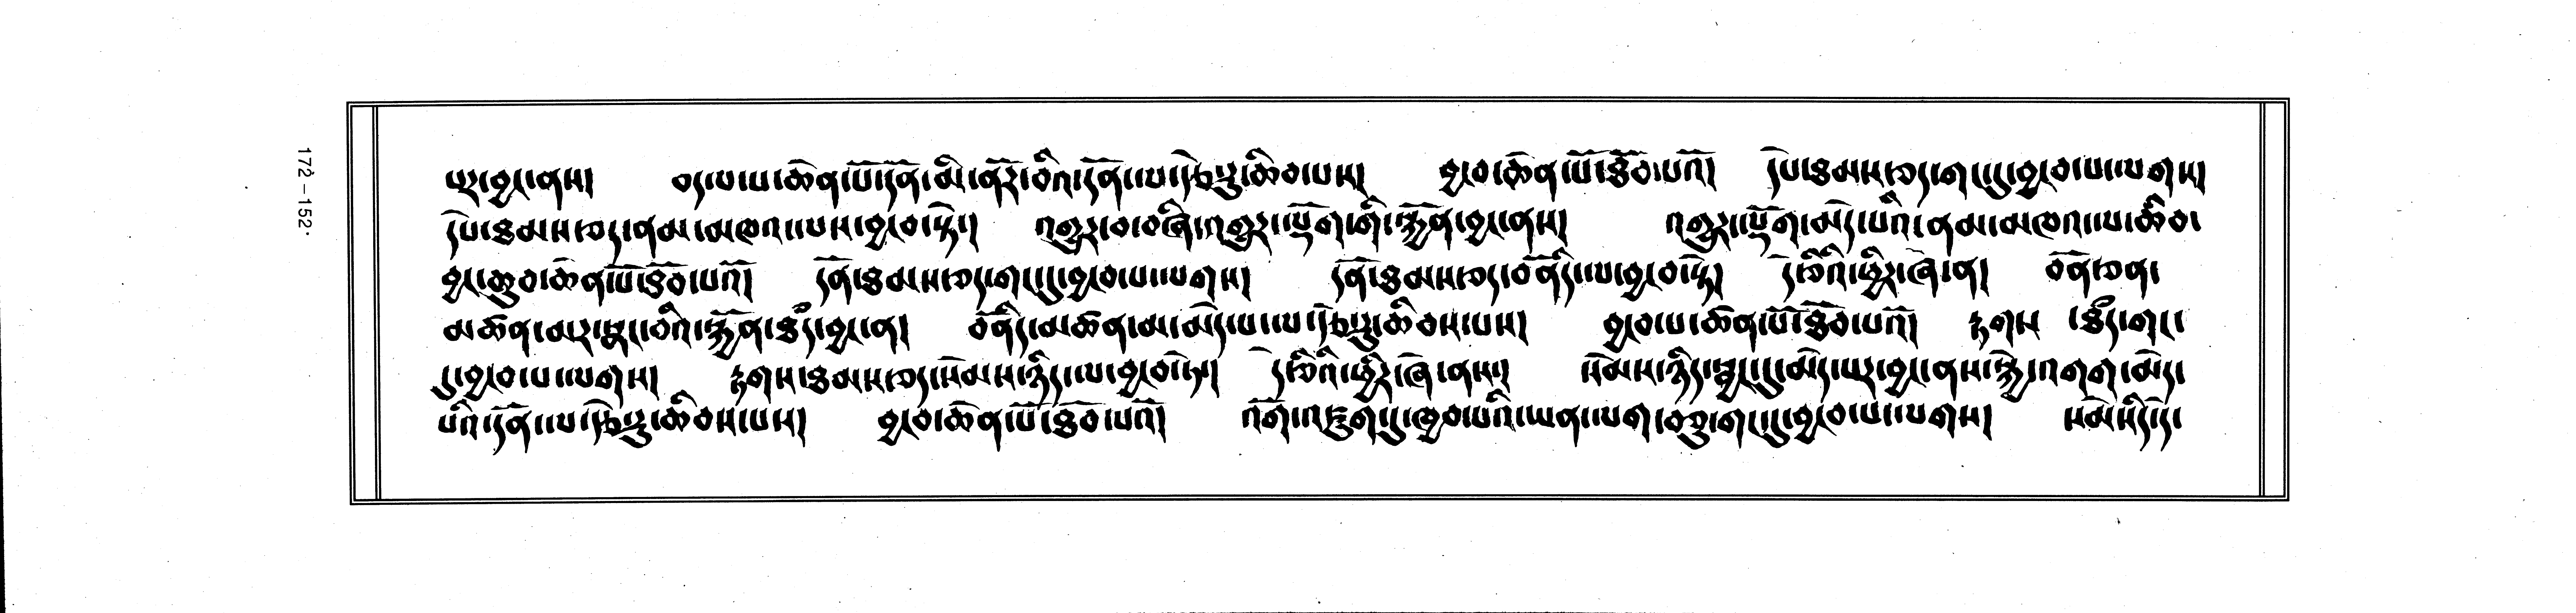པར་བྱང་ནས། བདལ་པ་ཆེན་པོ་དོན་མི་ནོར་བའི་དོན་ལ་རྩེ་རུ་ཆིབ་པས། བྱང་ཆུབ་ཆེན་པོ་ཐོབ་པའོ། དཔེ་ཐམས་ཅད་གང་དུ་བྱང་ཆུབ་པ་ལགས། 
དཔེ་ཐམས་ཅད་ནམ་མཁའ་ལས་བྱང་ཆུབ་སྟེ། འགྱུར་བ་བཞི་འགྱུར་ལྡོག་གི་སྐྱོན་བྱང་ནས། འགྱུར་ལྡོག་མེད་པའི་ནམ་མཁའ་ལ་ཆིབས་
བྱང་ཆུབ་ཆེན་པོ་ཐོབ་པའོ། དོན་ཐམས་ཅད་གང་དུ་བྱང་ཆུབ་པ་ལགས། དོན་ཐམས་ཅད་བོན་ཉིད་ལ་བྱང་ཆུབ་སྟེ། དེ་ཅིའི་ཕྱིར་ཞེ་ན། བོན་ཅན་
མཚན་མར་སྣང་བའི་སྐྱོན་ཐམས་ཅད་བྱང་ན། བོན་ཉིད་མཚན་མ་མེད་པ་ལ་རྩེ་རུ་ཆིབས་པས། བྱང་ཆུབ་པ་ཆེན་པོ་ཐོབ་པའོ། རྟགས་ཐམས་ཅད་གང་
དུ་བྱང་ཆུབ་པ་ལགས། རྟགས་ཐམས་ཅད་སེམས་ཉིད་ལ་བྱང་ཆུབ་སྟེ། དེ་ཅིའི་ཕྱིར་ཞེ་ནས། སེམས་ཉིད་སྦྱང་དུ་མེད་པར་བྱང་ནས་སྐྱེ་འགག་མེད་
པའི་དོན་ལ་རྩེ་རུ་ཆིབས་པས། བྱང་ཆུབ་ཆེན་པོ་ཐོབ་པའོ། འགོ་འཇུག་དུ་ཁྱབ་པའི་ཡན་ལག་བཅུ་གང་དུ་བྱང་ཆུབ་པ་ལགས། སེམས་ཉིད་དེ་ལྟར་